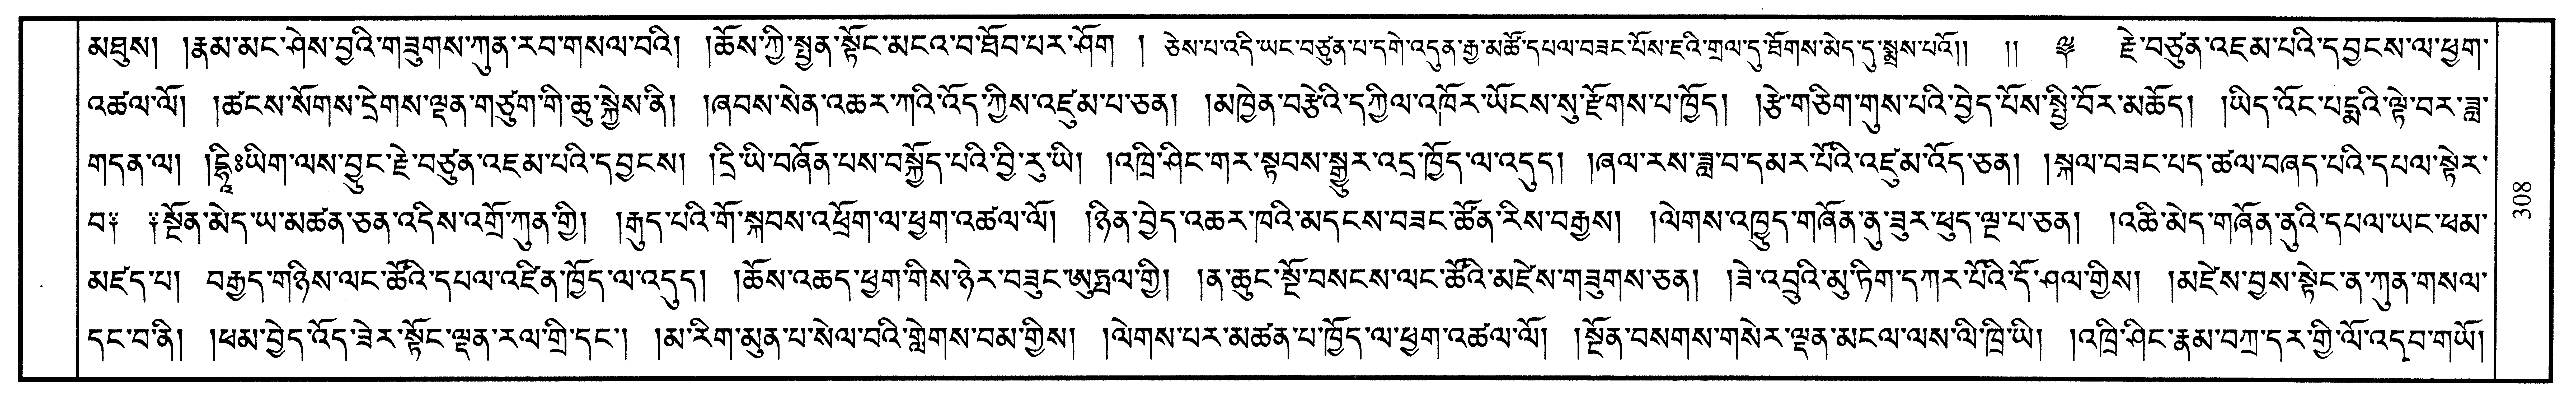མཐུས། །རྣམ་མང་ཤེས་བྱའི་གཟུགས་ཀུན་རབ་གསལ་བའི། །ཆོས་ཀྱི་སྤྱན་སྟོང་མངའ་བ་ཐོབ་པར་ཤོག། ཅེས་པ་འདི་ཡང་བཙུན་པ་དགེ་འདུན་རྒྱ་མཚོ་དཔལ་བཟང་པོས་ཇའི་གྲལ་དུ་ཐོགས་མེད་དུ་སྨྲས་པའོ།། །། ༈ རྗེ་བཙུན་འཇམ་པའི་དབྱངས་ལ་ཕྱག་
འཚལ་ལོ། །ཚངས་སོགས་དྲེགས་ལྡན་གཙུག་གི་ཆུ་སྐྱེས་ནི། །ཞབས་སེན་འཆར་ཀའི་འོད་ཀྱིས་འཛུམ་པ་ཅན། །མཁྱེན་བརྩེའི་དཀྱིལ་འཁོར་ཡོངས་སུ་རྫོགས་པ་ཁྱོད། །རྩེ་གཅིག་གུས་པའི་བྱེད་པོས་སྤྱི་བོར་མཆོད། །ཡིད་འོང་པདམའི་ལྟེ་བར་ཟླ་
གདན་ལ། །དྷཱིཿ ཡིག་ལས་བྱུང་རྗེ་བཙུན་འཇམ་པའི་དབྱངས། །དྲི་ཡི་བཞོན་པས་བསྐྱོད་པའི་བྱི་རུ་ཡི། །འཁྲི་ཤིང་གར་སྟབས་སྒྱུར་འདྲ་ཁྱོད་ལ་འདུད། །ཞལ་རས་ཟླ་བ་དམར་པོའི་འཛུམ་འོད་ཅན། །སྐལ་བཟང་པད་ཚལ་བཞད་པའི་དཔལ་སྟེར་
བ༑ ༑སྔོན་མེད་ཡ་མཚན་ཅན་འདིས་འགྲོ་ཀུན་གྱི། །རྒུད་པའི་གོ་སྐབས་འཕྲོག་ལ་ཕྱག་འཚལ་ལོ། །ཉིན་བྱེད་འཆར་ཁའི་མདངས་བཟང་ཚོན་རིས་བརྒྱས། །ལེགས་འཁྱུད་གཞོན་ནུ་ཟུར་ཕུད་ལྔ་པ་ཅན། །འཆི་མེད་གཞོན་ནུའི་དཔལ་ཡང་ཕམ་
མཛད་པ། བརྒྱད་གཉིས་ལང་ཚོའི་དཔལ་འཛིན་ཁྱོད་ལ་འདུད། །ཆོས་འཆད་ཕྱག་གིས་ཉེར་བཟུང་ཨུཏྤལ་གྱི། །ན་ཆུང་སྔོ་བསངས་ལང་ཚོའི་མཛེས་གཟུགས་ཅན། །ཟེ་འབྲུའི་མུ་ཏིག་དཀར་པོའི་དོ་ཤལ་གྱིས། །མཛེས་བྱས་སྟེང་ན་ཀུན་གསལ་
དང་བ་ནི། །ཕམ་བྱེད་འོད་ཟེར་སྟོང་ལྡན་རལ་གྲི་དང་། །མ་རིག་མུན་པ་སེལ་བའི་གླེགས་བམ་གྱིས། །ལེགས་པར་མཚན་པ་ཁྱོད་ལ་ཕྱག་འཚལ་ལོ། །སྔོན་བསགས་གསེར་ལྡན་མངལ་ལས་ལི་ཁྲི་ཡི། །འཁྲི་ཤིང་རྣམ་བཀྲ་དར་གྱི་ལོ་འདབ་གཡོ།